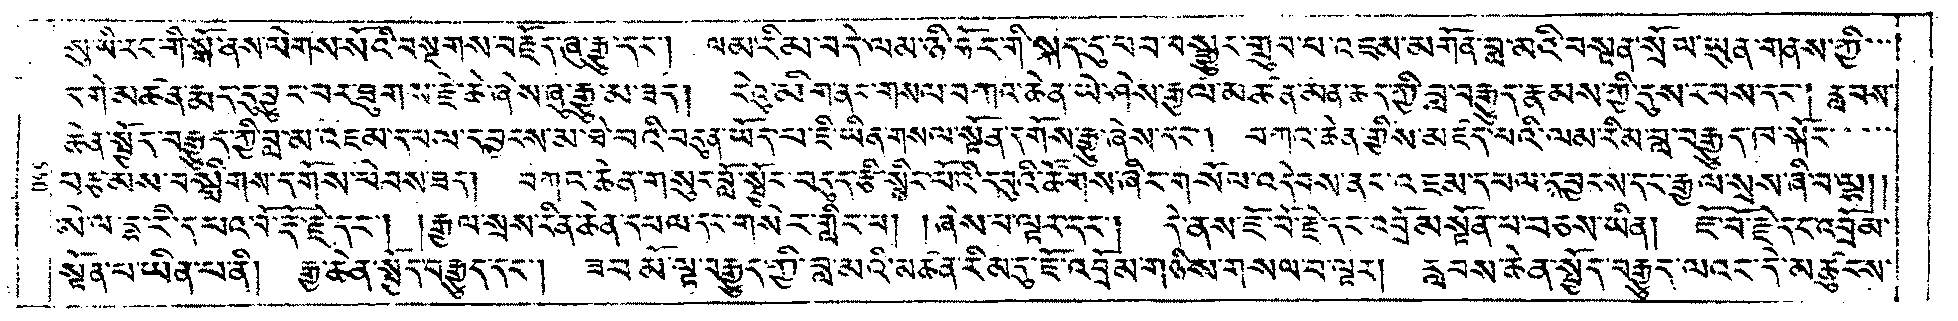སུ་ཡི་རང་གི་སྒོ་ནས་ལེགས་སོའི་བསྔགས་བརྗོད་ཞུ་རྒྱུ་དང་། ལམ་རིམ་བདེ་ལམ་ཉི་ཧོང་གི་སྐད་དུ་ཕབ་བསྒྱུར་གྲུབ་པ་འཇམ་མགོན་བླ་མའི་བསྟན་སྲོལ་ཡུན་གནས་ཀྱི་
དགེ་མཚན་རྨད་དུ་བྱུང་བར་ཐུགས་རྗེ་ཆེ་ཞེས་ཞུ་རྒྱུ་མ་ཟད། རེའུ་མིག་ནང་གསལ་བཀའ་ཆེན་ཡེ་ཤེས་རྒྱལ་མཚན་མན་ཆད་ཀྱི་བླ་བརྒྱུད་རྣམས་ཀྱི་དུས་རབས་དང་། རླབས་
ཆེན་སྤྱོད་བརྒྱུད་ཀྱི་བླ་མ་འཇམ་དཔལ་དབྱངས་མ་ཐེ་བའི་བདུན་ཡོད་པ་ཇི་ཡིན་གསལ་སྟོན་དགོས་རྒྱུ་ཞེས་དང་། བཀའ་ཆེན་གྱིས་མཛད་པའི་ལམ་རིམ་བླ་བརྒྱུད་ཁ་སྐོང་
བརྩམས་བསྒྲིགས་དགོས་ཕེབས་ཐད། བཀའ་ཆེན་གསུང་བློ་སྦྱོང་བདུད་རྩི་སྙིང་པོའི་དབུའི་ཚོགས་ཞིང་གསོལ་འདེབས་ནང་འཇམ་དཔལ་དབྱངས་དང་རྒྱལ་སྲས་ཞི་བ་ལྷ། །
ཨེ་ལ་དྷ་རི་དཔའ་བོ་རྡོ་རྗེ་དང་། །རྒྱལ་སྲས་རིན་ཆེན་དཔལ་དང་གསེར་གླིང་པ། །ཞེས་པ་ལྟར་དང་། དེ་ནས་ཇོ་བོ་རྗེ་དང་འབྲོམ་སྟོན་པ་བཅས་ཡིན། ཇོ་བོ་རྗེ་དང་འབྲོམ་
སྟོན་པ་ཡིན་པ་ནི། རྒྱ་ཆེན་སྤྱོད་བརྒྱུད་དང་། ཟབ་མོ་ལྟ་བརྒྱུད་ཀྱི་བླ་མའི་མཚན་རིམ་དུ་ཇོ་འབྲོམ་གཉིས་གསལ་བ་ལྟར། རླབས་ཆེན་སྤྱོད་བརྒྱུད་ལའང་དེ་མཚུངས་